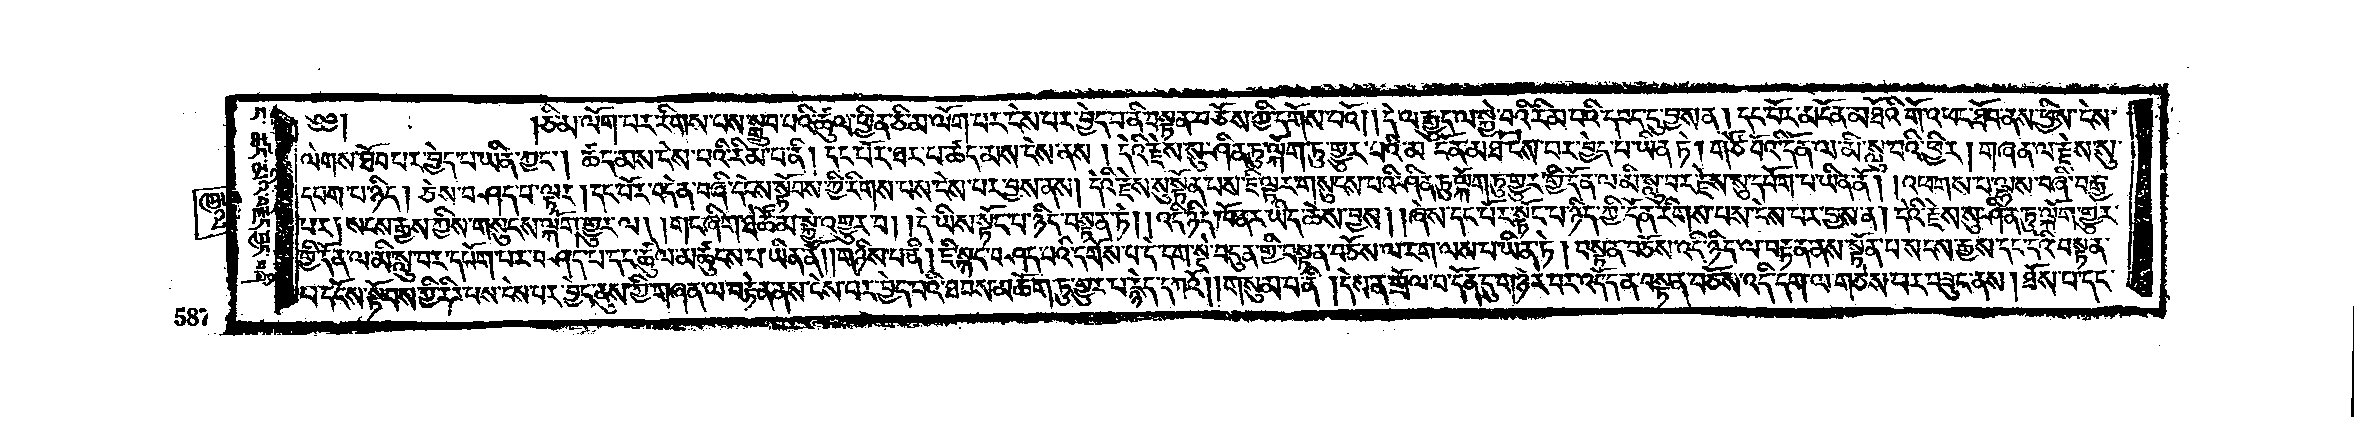༄༅། །ཅི་མ་ལོག་པར་རིགས་པས་སྒྲུབ་པའི་ཚུལ་ཕྱིན་ཅི་མ་ལོག་པར་ངེས་པར་བྱེད་པ་ནི་བསྟན་བཅོས་ཀྱི་དགོས་པའོ། །དེ་ལ་རྒྱུད་ལ་སྐྱེ་བའི་རིམ་པའི་དབང་དུ་བྱས་ན། དང་པོར་མངོན་མཐོའི་གོ་འཕང་ཐོབ་ནས་ཕྱིས་ངེས་
ལེགས་ཐོབ་པར་བྱེད་པ་ཡིན་ཀྱང་། ཚད་མས་ངེས་པའི་རིམ་པ་ནི། དང་པོར་ཐར་པ་ཚད་མས་ངེས་ནས། དེའི་རྗེས་སུ་ཤིན་ཏུ་ལྐོག་ཏུ་གྱུར་པའི་མངོན་མཐོ་ངེས་པར་བྱེད་པ་ཡིན་ཏེ། གཙོ་བོའི་དོན་ལ་མི་སླུ་བའི་ཕྱིར། གཞན་ལ་རྗེས་སུ་
དཔག་པ་ཉིད། ཅེས་བཤད་པ་ལྟར། དང་པོར་བདེན་བཞི་དངོས་སྟོབས་ཀྱི་རིགས་པས་ངེས་པར་བྱས་ནས། དེའི་རྗེས་སུ་སྟོན་པས་ཇི་ལྟར་གསུངས་པའི་ཤིན་ཏུ་ལྐོག་ཏུ་གྱུར་གྱི་དོན་ལ་མི་སླུ་བར་རྗེས་སུ་དཔོག་པ་ཡིན་ནོ། །འཕགས་པ་ལྷས་བཞི་བརྒྱ་
པར༑ སངས་རྒྱས་ཀྱིས་གསུངས་ལྐོག་གྱུར་ལ། །གང་ཞིག་ཐེ་ཚོམ་སྐྱེ་འགྱུར་པ། །དེ་ཡིས་སྟོང་པ་ཉིད་བསྟན་ཏེ། །འདི་ཉིད་ཁོ་ནར་ཡིད་ཆེས་བྱས། །ཞེས་དང་པོར་སྟོང་པ་ཉིད་ཀྱི་དོན་རིགས་པས་ངེས་པར་བྱས་ན། དེའི་རྗེས་སུ་ཤིན་ཏུ་ལྐོག་གྱུར་
གྱི་དོན་ལ་མི་སླུ་བར་དཔོག་པར་བཤད་པ་དང་ཚུལ་མཚུངས་པ་ཡིན་ནོ། །གཉིས་པ་ནི། ཇི་སྐད་བཤད་པའི་དགོས་པ་དེ་དག་སྡེ་བདུན་གྱི་བསྟན་བཅོས་ལ་རག་ལས་པ་ཡིན་ཏེ། བསྟན་བཅོས་འདི་ཉིད་ལ་བརྟན་ནས་སྟོན་པ་སངས་རྒྱས་དང་དེའི་བསྟན་
པ་དངོས་སྟོབས་ཀྱི་རིགས་པས་ངེས་པར་བྱེད་ནུས་ཀྱི་གཞན་ལ་བརྟེན་ནས་ངེས་པར་བྱེད་པའི་ཐབས་མཆོག་ཏུ་གྱུར་པ་རྙེད་དཀའོ། །གསུམ་པ་ནི། དེས་ན་གྲོལ་བ་དོན་དུ་གཉེར་བར་འདོད་ན་བསྟན་བཅོས་འདི་དག་ལ་གཅེས་པར་བཟུང་ནས། ཐོས་པ་དང་།